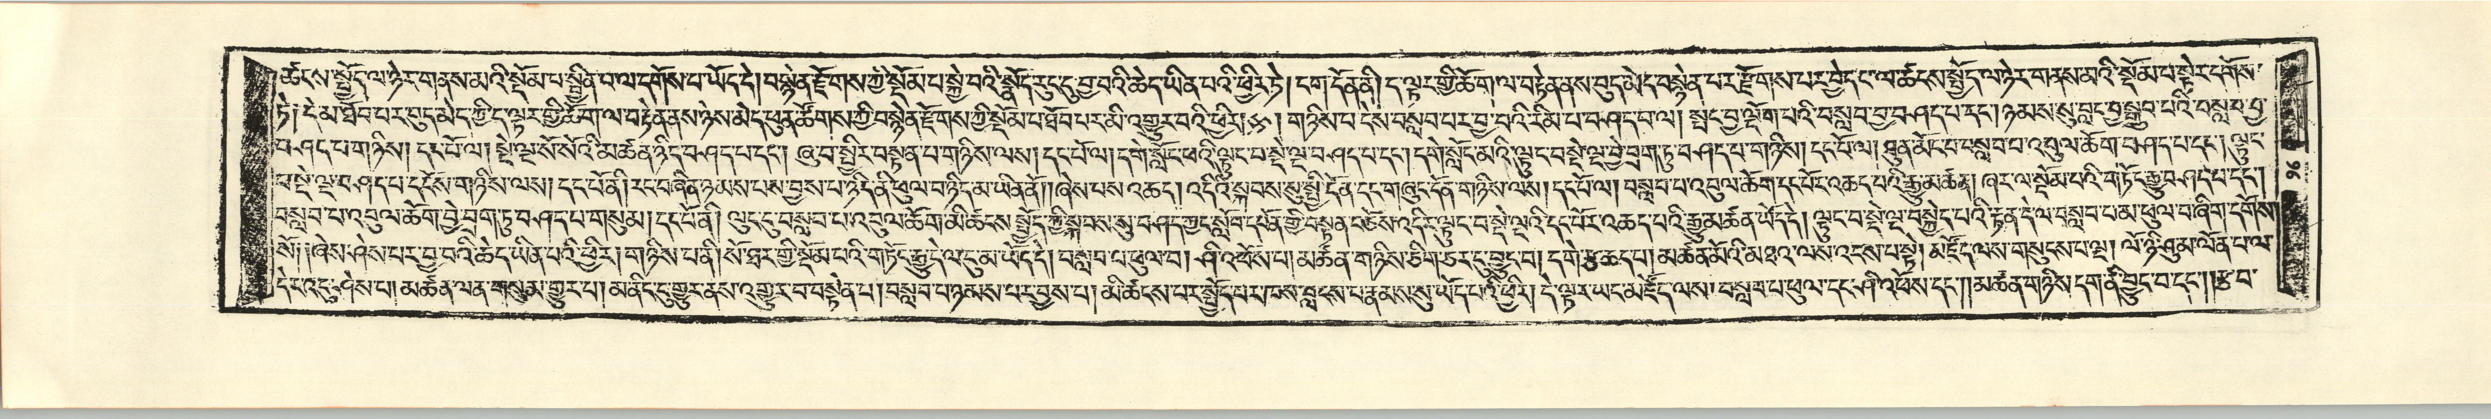ཚངས་སྤྱོད་ལ་ཉེར་གནས་མའི་སྡོམ་པ་སྦྱིན་པ་ལ་དགོས་པ་ཡོད་དེ། བསྙེན་རྫོགས་ཀྱི་སྡོམ་པ་སྐྱེ་བའི་སྣོད་རུང་དུ་བྱ་བའི་ཆེད་ཡིན་པའི་ཕྱིར་ཏེ། ངག་དོན་ནི། ད་ལྟར་གྱི་ཆོ་ག་ལ་བརྟེན་ནས་བུད་མེད་བསྙེན་པར་རྫོགས་པར་བྱེད་པ་ལ་ཚངས་སྤྱོད་ལ་ཉེར་གནས་མའི་སྡོམ་པ་སྟེར་དགོས་
ཏེ༑ དེ་མ་ཐོབ་པར་བུད་མེད་ཀྱི་ད་ལྟར་གྱི་ཆོ་ག་ལ་བརྟེན་ནས་ཉེས་མེད་ཕུན་ཚོགས་ཀྱི་བསྙེན་རྫོགས་ཀྱི་སྡོམ་པ་ཐོབ་པར་མི་འགྱུར་བའི་ཕྱིར། །གཉིས་པ་དེས་བསླབ་པར་བྱ་བའི་རིམ་པ་བཤད་པ་ལ། སྤང་བྱ་ལྡོག་པའི་བསླབ་བྱ་བཤད་པ་དང་། ཉམས་སུ་བླང་བྱ་སྒྲུབ་པའི་བསླབ་བྱ་
བཤད་པ་གཉིས། དང་པོ་ལ། སྡེ་ལྔ་སོ་སོའི་མཚན་ཉིད་བཤད་པ་དང་། ཞུ་བ་སྤྱིར་བསྟན་པ་གཉིས་ལས། དང་པོ་ལ། དགེ་སློང་ཕའི་ལྟུང་བ་སྡེ་ལྔ་བཤད་པ་དང་། དགེ་སློང་མའི་ལྟུང་བ་སྡེ་ལྔ་བྱེ་བྲག་ཏུ་བཤད་པ་གཉིས། དང་པོ་ལ། ཐུན་མོང་བ་བསླབ་པ་འབུལ་ཆོག་བཤད་པ་དང་། ལྟུང་
བསྡེ་ལྟུང་བཤད་པ་དངོས་གཉིས་ལས། དང་པོ་ནི། རང་བཞིན་ཉམས་པས་བྱས་པ་ཉིད་ནི་ཕུལ་བ་ཉིད་མ་ཡིན་ནོ། །ཞེས་པས་འཆད། འདིའི་སྐབས་སུ་སྤྱི་དོན་དང་གཞུང་དོན་གཉིས་ལས། དང་པོ་ལ། བསླབ་པ་འབུལ་ཆོག་དང་པོར་འཆད་པའི་རྒྱུ་མཚན། ཞར་ལ་སྡོམ་པའི་གཏོང་རྒྱུ་བཤད་པ་དང་།
བསླབ་པ་འབུལ་ཆོག་བྱེ་བྲག་ཏུ་བཤད་པ་གསུམ། དང་པོ་ནི། ལུང་དུ་བསླབ་པ་འབུལ་ཆོག་མི་ཚངས་སྤྱོད་ཀྱི་སྐབས་སུ་བཤད་ཀྱང་སློབ་དཔོན་གྱི་བསྟན་བཅོས་འདིར་ལྟུང་བ་སྡེ་ལྔའི་དང་པོར་འཆད་པའི་རྒྱུ་མཚན་ཡོད་དེ། ལྟུང་བ་སྡེ་ལྔ་བསྐྱེད་པའི་རྟན་དེ་ལ་བསླབ་པ་མ་ཕུལ་བ་ཞིག་དགོས་
སོ༑ ༑ཞེས་ཤེས་པར་བྱ་བའི་ཆེད་ཡིན་པའི་ཕྱིར། གཉིས་པ་ནི། སོ་ཐར་གྱི་སྡོམ་པའི་གཏོང་རྒྱུ་དེ་ལ་དུ་མ་ཡོད་དེ། བསླབ་པ་ཕུལ་བ། ཤི་འཕོས་པ། མཚན་གཉིས་ཅིག་ཅར་དུ་བྱུང་བ། དགེ་རྩ་ཆད་པ། མཚན་མོའི་མཐའ་ལས་འདས་པ་སྟེ། མཛོད་ལས་གསུངས་པ་ལྔ། ལོ་ཉི་ཤུ་མ་ལོན་པ་ལ་
དེར་འདུ་ཤེས་པ། མཚན་ལན་གསུམ་གྱུར་པ། མ་ནིང་དུ་གྱུར་ནས་འགྱུར་བ་བསྟེན་པ། བསླབ་པ་ཉམས་པར་བྱས་པ། མི་ཚངས་པར་སྤྱོད་པར་ཁས་བླངས་པ་རྣམས་སུ་ཡོད་པའི་ཕྱིར། དེ་ལྟར་ཡང་མཛོད་ལས། བསླབ་པ་ཕུལ་དང་ཤི་འཕོས་དང་། །མཚན་གཉིས་དག་ནི་བྱུང་བ་དང་། །རྩ་བ་